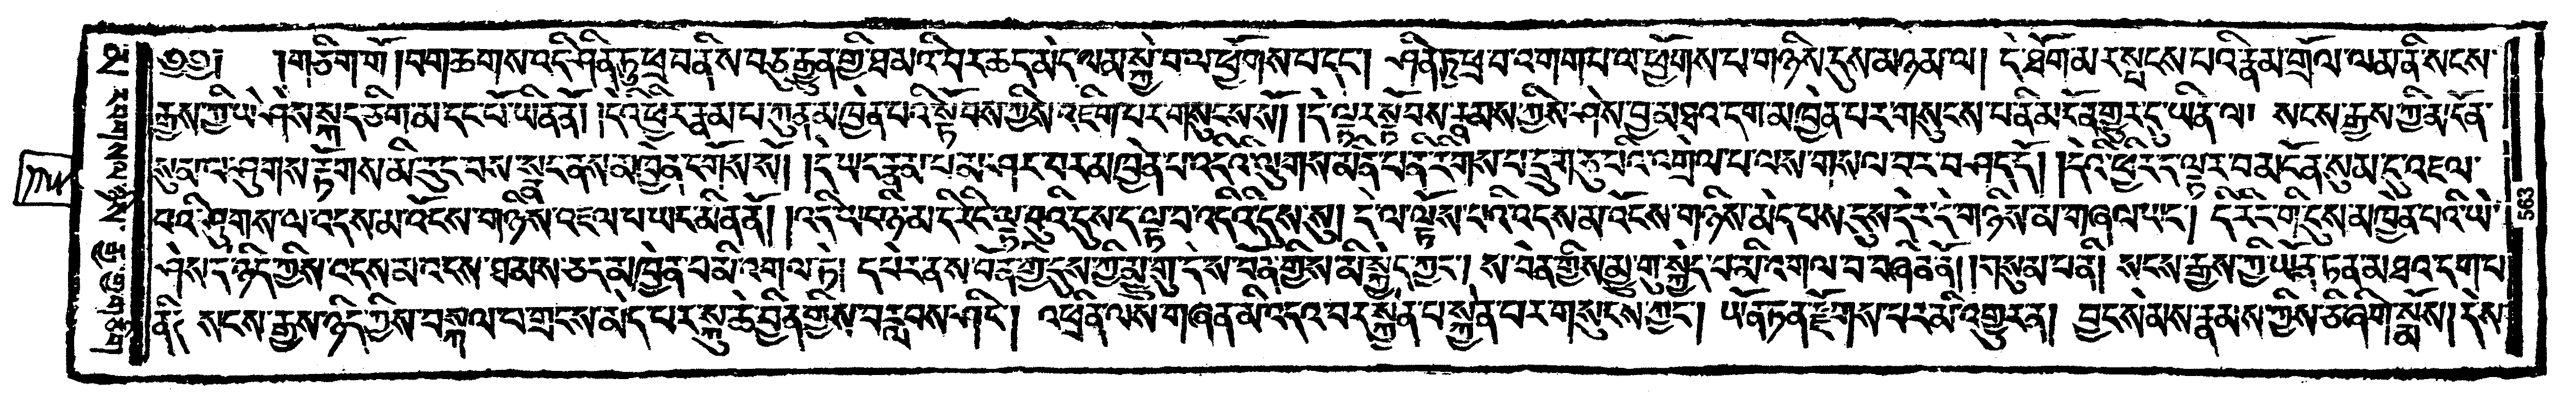༄༅། །གཅིག་གོ །བག་ཆགས་འདི་ཤིན་ཏུ་ཕྲ་བ་ནི་ས་བཅུ་རྒྱུན་གྱི་ཐ་མའི་བར་ཆད་མེད་ལམ་སྐྱེ་བ་ལ་ཕྱོགས་པ་དང་། ཤིན་ཏུ་ཕྲ་བ་འགག་པ་ལ་ཕྱོགས་པ་གཉིས་དུས་མཉམ་ལ། དེ་ཐོག་མར་སྤངས་པའི་རྣམ་གྲོལ་ལམ་ནི་སངས་
རྒྱས་ཀྱི་ཡེ་ཤེས་སྐད་ཅིག་མ་དང་པོ་ཡིན་ནོ། །དེའི་ཕྱིར་རྣམ་པ་ཀུན་མཁྱེན་པའི་སྟོབས་ཀྱིས་འཇིག་པར་གསུངས་སོ། །དེ་ལྟར་སྟོབས་རྣམས་ཀྱིས་ཤེས་བྱ་མཐའ་དག་མཁྱེན་པར་གསུངས་པ་ནི་མངོན་གྱུར་དུ་ཡིན་ལ། སངས་རྒྱས་ཀྱི་མངོན་
སུམ་ལ་ཤུགས་རྟོགས་མི་རུང་བས་སྣང་ནས་མཁྱེན་དགོས་སོ། །དེ་ཡང་རྣམ་པ་མ་ཤར་བར་མཁྱེན་པ་འདིའི་ལུགས་མིན་པ་ནི་རིགས་པ་དྲུག་ཅུ་པའི་འགྲེལ་པ་ལས་གསལ་བར་བཤད་དོ། །དེའི་ཕྱིར་ད་ལྟར་བ་མངོན་སུམ་དུ་འཇལ་
བའི་ཤུགས་ལ་འདས་མ་འོངས་གཉིས་འཇལ་བ་ཡང་མིན་ནོ། །འདི་ཡང་ཉི་མ་དེ་རིང་ལྟ་བུའི་དུས་ད་ལྟ་བ་འདིའི་དུས་སུ། དེ་ལ་ལྟོས་པའི་འདས་མ་འོངས་གཉིས་མེད་པས་དུས་དེར་དེ་གཉིས་མ་གཞལ་ཡང་། དེ་རིང་གི་དུས་མཁྱེན་པའི་ཡེ་
ཤེས་དེ་ཉིད་ཀྱིས་འདས་མ་འོངས་ཐམས་ཅད་མཁྱེན་པ་མི་འགལ་ཏེ། དཔེར་ན་ས་བོན་གྱི་དུས་ཀྱི་མྱུ་གུ་ས་བོན་གྱིས་མི་སྐྱེད་ཀྱང་། ས་བོན་གྱིས་མྱུ་གུ་སྐྱེད་པ་མི་འགལ་བ་བཞིན་ནོ། །གསུམ་པ་ནི། སངས་རྒྱས་ཀྱི་ཡོན་ཏན་མཐའ་དག་པ་
ནི༑ སངས་རྒྱས་ཉིད་ཀྱིས་བསྐལ་པ་གྲངས་མེད་པར་སྐུ་ཚེ་བྱིན་གྱིས་བརླབས་ཤིང་། འཕྲིན་ལས་གཞན་མི་འདའ་བར་སྐྱེན་པ་སྐྱེན་པར་གསུངས་ཀྱང་། ཡོན་ཏན་རྫོགས་པར་མི་འགྱུར་ན། བྱང་སེམས་རྣམས་ཀྱིས་ཅི་ཞིག་སྨོས། དེས་